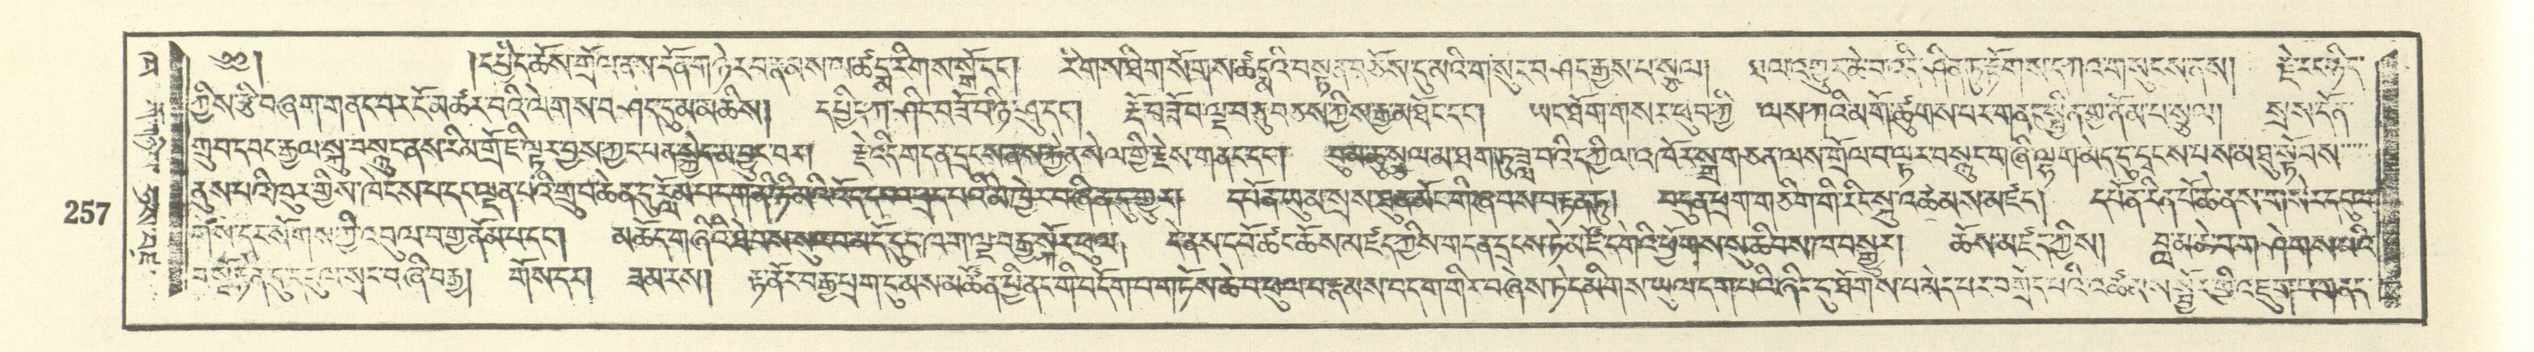༄༅། །དཔྱིད་ཆོས་གྲོལ་ནས་དོན་གཉེར་བ་རྣམས་ལ་ཚང་མ་རིགས་སྒོ་དང་། རིགས་ཐིག་སོགས་ཚདམའི་བསྟན་བཅོས་དུ་མའི་གསུང་བཤད་རྒྱས་པ་སྩལ། ཐལ་འགྱུར་ཆེ་བ་འདི་ཤིན་ཏུ་རྟོགས་དཀའ་གསུངས་ནས། རྗེ་རང་ཉིད་
ཀྱིས་རྩི་བཞག་གནང་བར་ངོ་མཚར་བའི་ལེགས་བཤད་དུ་མ་མཆིས། དཔྱིད་ཀ་ཤིང་བཟོ་བ་ཉི་ཤུ་དང་། རྡོ་བཟོ་བ་ལྔ་བཅུ་བཅས་ཀྱིས་རྒྱ་མཐོང་དང་། ཡང་ཐོག་གསར་ཕུབ་ཀྱི། ལས་ཀའི་མགོ་ཚུགས་པར་གནང་སྦྱིན་གྱ་ནོམ་པ་སྩལ། སྲས་དོན་
གྲུབ་དབང་རྒྱལ་སྐུ་བསྙུང་ནས་རིམ་གྲོ་ཇི་ལྟར་བྱས་ཀྱང་ཕན་སྐྱེད་མ་བྱུང་བར། རྗེ་འདི་གདན་དྲངས་ནས་རྐྱེན་སེལ་གྱི་རྗེས་གནང་དང་། བུམ་ཆུ་སྩལ་མ་ཐག་ཏུ་ཟླ་བའི་དཀྱིལ་འཁོར་སྒྲ་གཅན་ལས་གྲོལ་བ་ལྟར་བསྙུང་གཞི་ལྷག་མེད་དུ་དྭངས་པས་མཐུ་སྟོབས་
ནུས་པའི་ཁུར་གྱིས་ཁེངས་པ་དང་ལྡན་པའི་གྲུབ་ཆེན་དུ་རློམ་པ་དག་ནི་ཉི་མའི་འོད་དང་འཕྲད་པའི་མེ་ཁྱེར་བཞིན་དུ་གྱུར། དཔོན་ཡུམ་སྲས་ཐུན་མོང་གི་ཞབས་བརྟན་ཏུ། བདུན་ཕྲག་གཅིག་གི་རིང་སྐུ་འཚམས་མཛད། དཔོན་རིན་པོ་ཆེ་ནས་གསེར་དངུལ་
གོས་དར་སོགས་ཀྱི་འབུལ་བ་གྱ་ནོམ་པ་དང་། མཆོད་གཞིའི་ཐེབས་སུ་རབ་མདོ་དུད་ཁག་ལྔ་བརྒྱ་སྐོར་ཕུལ། དེ་ནས་དབོ་ཚང་ཆོས་མཛད་ཀྱིས་གདན་དྲངས་ཏེ་མཛོ་དགེའི་ཕྱོགས་སུ་ཆིབས་ཁ་བསྒྱུར། ཆོས་མཛད་ཀྱིས། བླ་མ་ཆེ་བ་གཤེགས་པའི་
བསྔོ་རྟེན་དུ་དངུལ་སྲང་བཞི་བརྒྱ། གོས་དང་། ཟམ་རས། རྟ་ནོར་བརྒྱ་ཕྲག་དུ་མས་མཚོན་ཕྱི་ནང་གི་བདོག་བ་གཏོས་ཆེ་བ་ཕུལ་བ་རྣམས་བདག་གིར་བཞེས་ཏེ་དམིགས་ཡུལ་དག་པའི་ཞིང་དུ་ཐོགས་པ་མེད་བར་བགྲོད་པའི་འཚམས་སྦྱོར་གྱི་འཇུག་པ་གནད་